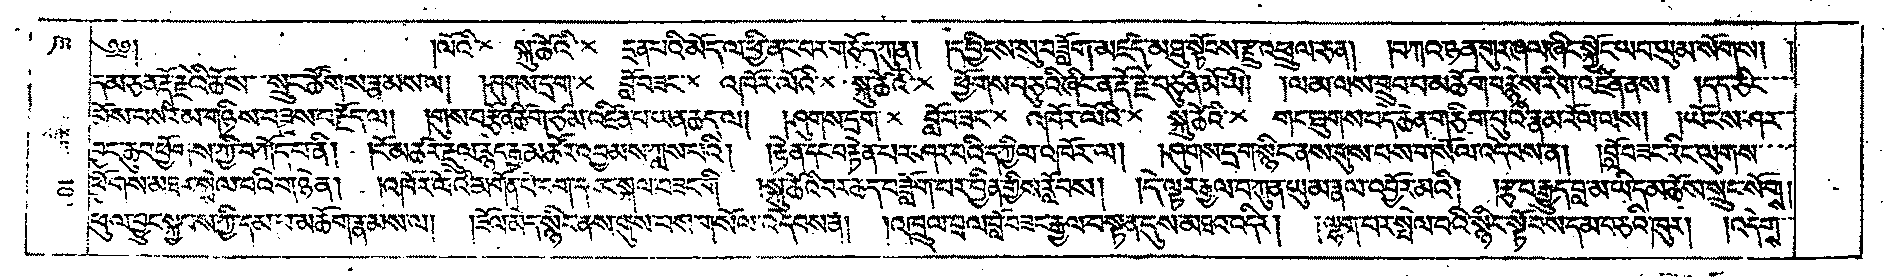༄༅། །ལོའི་྾་སྐུ་ཚེའི་྾་དྲན་པའི་མོད་ལ་ཕྱི་ནང་བར་གཅོད་ཀུན། །དབྱིངས་སུ་བཟློག་མཛད་མཐུ་སྟོབས་རྫུ་འཕྲུལ་ཅན། །བཀའ་ཉན་གུར་ཞལ་ཞིང་སྐྱོང་ཡབ་ཡུམ་སོགས། །
དམ་ཅན་རྡོ་རྗེའི་ཆོས་སྲུང་ཚོགས་རྣམས་ལ། །ཤུགས་དྲག་྾་བློ་བཟང་྾་འཁོར་ལོའི་྾་སྐུ་ཚེའི་྾་ཕྱོགས་བཅུའི་ཞིང་ན་རྡོ་རྗེ་ཅིང་ཅིང་
མོས་པས་རིམ་གཉིས་བཟླས་བརྗོད་ལ། །གུས་བརྩོན་ཚིག་ཙམ་འཛིན་པ་ཡན་ཆད་ལ། །ཤུགས་དྲག་྾་བློ་བཟང་྾་འཁོར་ལོའི་྾་སྐུ་ཚེའི་྾་གང་ཐུགས་བདེ་ཆེན་གཅིག་པུའི་རྣམ་རོལ་ལས། །ཡོངས་ཤར་
བྱང་ཆུབ་ཕྱོགས་ཀྱི་བཀོད་པ་ནི། །ངོ་མཚར་རྡུལ་རྙེད་རྒྱ་མཚོར་འབྱམས་ཀླས་པའི། །རྟེན་དང་བརྟེན་པར་ཤར་བའི་དཀྱིལ་འཁོར་ལ། །ཤུགས་དྲག་སྙིང་ནས་གུས་པས་གསོལ་འདེབས་ན། །བློ་བཟང་རིང་ལུགས་
ཕྱོགས་མཐར་སྤེལ་བའི་གཉེན། །འཁོར་ལོའི་མགོན་པོ་ངག་དབང་སྐལ་བཟང་གི །སྐུ་ཚེའི་བར་ཆད་བཟློག་པར་བྱིན་གྱིས་རློབས། །དེ་ལྟར་རྒྱལ་བ་ཀུན་ཡུམ་རྣལ་འབྱོར་མའི། །རྩ་བརྒྱུད་བླ་མ་ཡི་དམ་ཆོས་སྲུང་སོགས།
ཕུལ་བྱུང་སྐྱབས་ཀྱི་དམ་པ་མཆོག་རྣམས་ལ། །ཟོལ་མེད་སྙིང་ནས་གུས་པས་གསོལ་འདེབས་ན། །འཁྲུལ་བྲལ་བློ་བཟང་རྒྱལ་བསྟན་དུས་མཐའ་འདིར། །ལྷག་པར་སྤེལ་བའི་སྙིང་སྟོབས་དམ་བཅའི་ཁུར། །འདེགས་